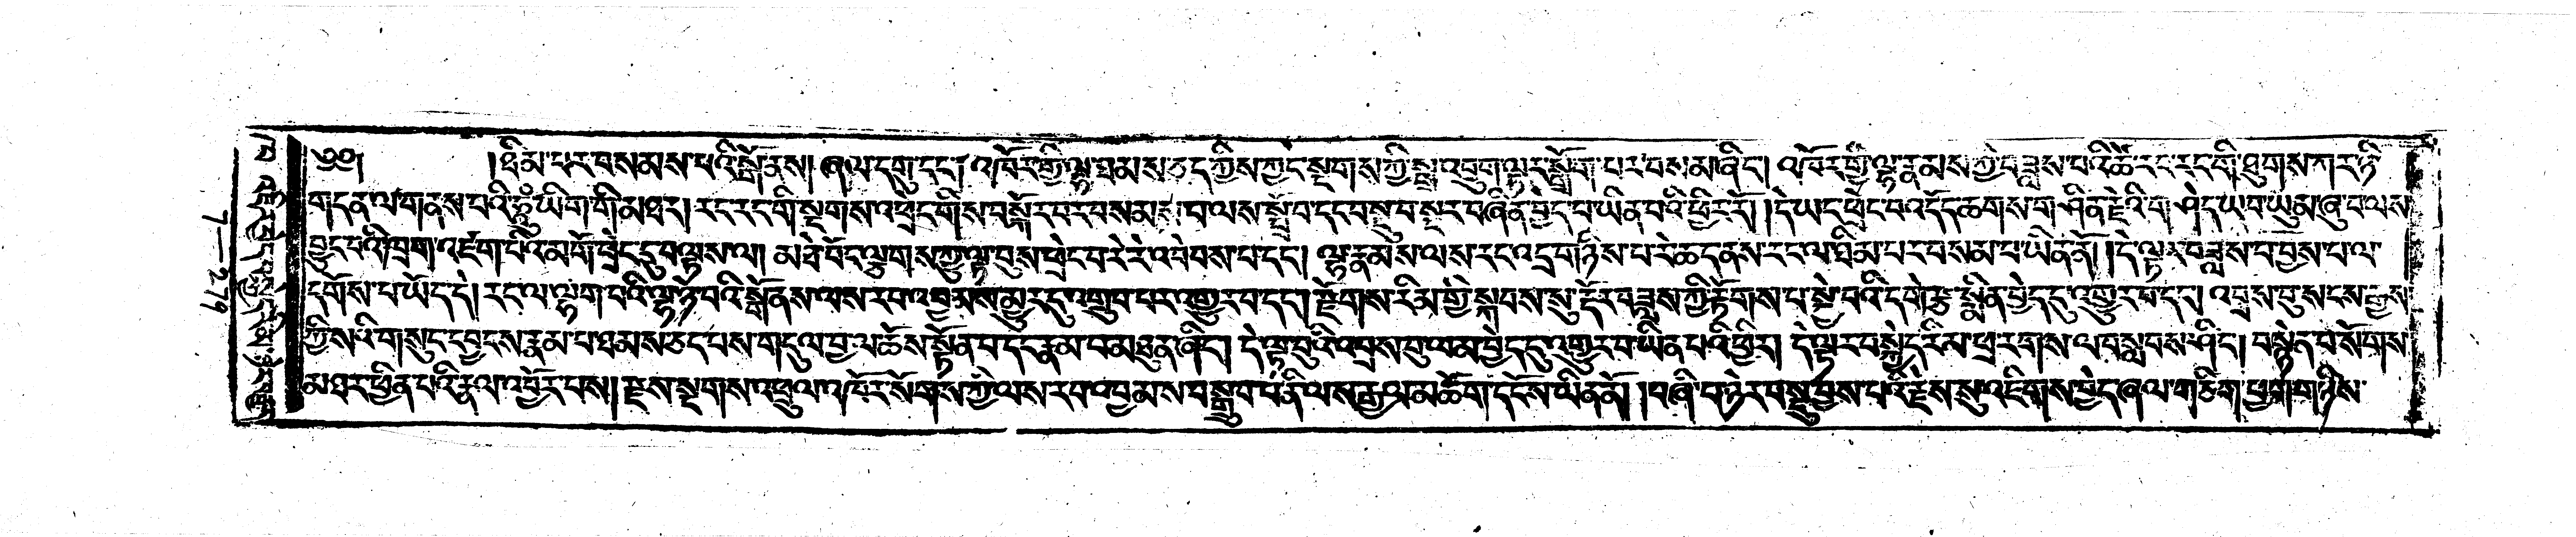༄༅། །ཐིམ་པར་བསམས་པའི་སྒོ་ནས། ཞལ་དགུ་དང་། འཁོར་གྱི་ལྷ་ཐམས་ཅད་ཀྱིས་ཀྱང་སྔགས་ཀྱི་སྒྲ་འབྲུག་ལྟར་སྒྲོག་པར་བསམ་ཞིང་། འཁོར་གྱི་ལྷ་རྣམས་ཀྱི་བཟླས་པའི་ཚེ་རང་རང་གི་ཐུགས་ཀར་ཉི་
གདན་ལ་གནས་པའི་ཧཱུཾ་ཡིག་གི་མཐར། རང་རང་གི་སྔགས་འཕྲེང་གིས་བསྐོར་བར་བསམས་པ་ལས་སྤྲོ་བ་དང་བསྡུ་བ་སྔར་བཞིན་བྱེད་པ་ཡིན་པའི་ཕྱིར་རོ། །དེ་ཡང་ཕྲེང་བ་འདོད་ཆགས་གཤིན་རྗེའི་གཤེད་ཡབ་ཡུམ་ཞུ་བ་ལས་
བྱུང་བའི་ཁྲག་འཛག་པའི་མགོ་ཕྲེང་དུ་བལྟས་ལ། མཐེ་བོང་ལྕགས་ཀྱུ་ལྟ་བུས་ཕྲེང་བ་རེ་རེ་འབེབས་པ་དང་། ལྷ་རྣམས་ལས་རང་འདྲ་གཉིས་པ་རེ་ཆད་ནས་རང་ལ་ཐིམ་པར་བསམ་པ་ཡིན་ནོ། །དེ་ལྟར་བཟླས་པ་བྱས་པ་ལ་
དགོས་པ་ཡོད་དེ། རང་ལ་ལྷག་པའི་ལྷ་ཉེ་བའི་སྒོ་ནས་ལས་རབ་འབྱམས་མྱུར་དུ་འགྲུབ་པར་འགྱུར་བ་དང་། རྫོགས་རིམ་གྱི་སྐབས་སུ་རྡོར་བཟླས་ཀྱི་རྟོགས་པ་སྐྱེ་བའི་དགེ་རྩ་སྨིན་བྱེད་པ་འགྱུར་བ་དང་། འབྲས་བུ་སངས་རྒྱས་
ཀྱི་སའི་གསུང་དབྱངས་རྣམ་པ་ཐམས་ཅད་པས་གདུལ་བྱ་ལ་ཆོས་སྟོན་པ་དང་རྣམ་པ་མཐུན་ཞིང་། དེ་ལྟ་བུའི་འབྲས་བུ་ལམ་བྱེད་དུ་འགྱུར་བ་ཡིན་པའི་ཕྱིར། དེ་ལྟར་བསྐྱེད་རིམ་ཕྲ་རགས་ལ་བསླབས་ཤིང་། བསྙེན་པ་སོགས་
མཐར་ཕྱིན་པའི་རྣལ་འབྱོར་པས། རྫས་སྔགས་འཕྲུལ་འཁོར་སོགས་ཀྱི་ལས་རབ་འབྱམས་བསྒྲུབ་པ་ནི་ལས་རྒྱལ་མཆོག་དངོས་ཡིན་ནོ། །བཞི་པ་ཉེར་བ་སྡུ་བྱས་པའི་རྗེས་སུ་འཇིགས་བྱེད་ཞལ་གཅིག་ཕྱག་གཉིས་